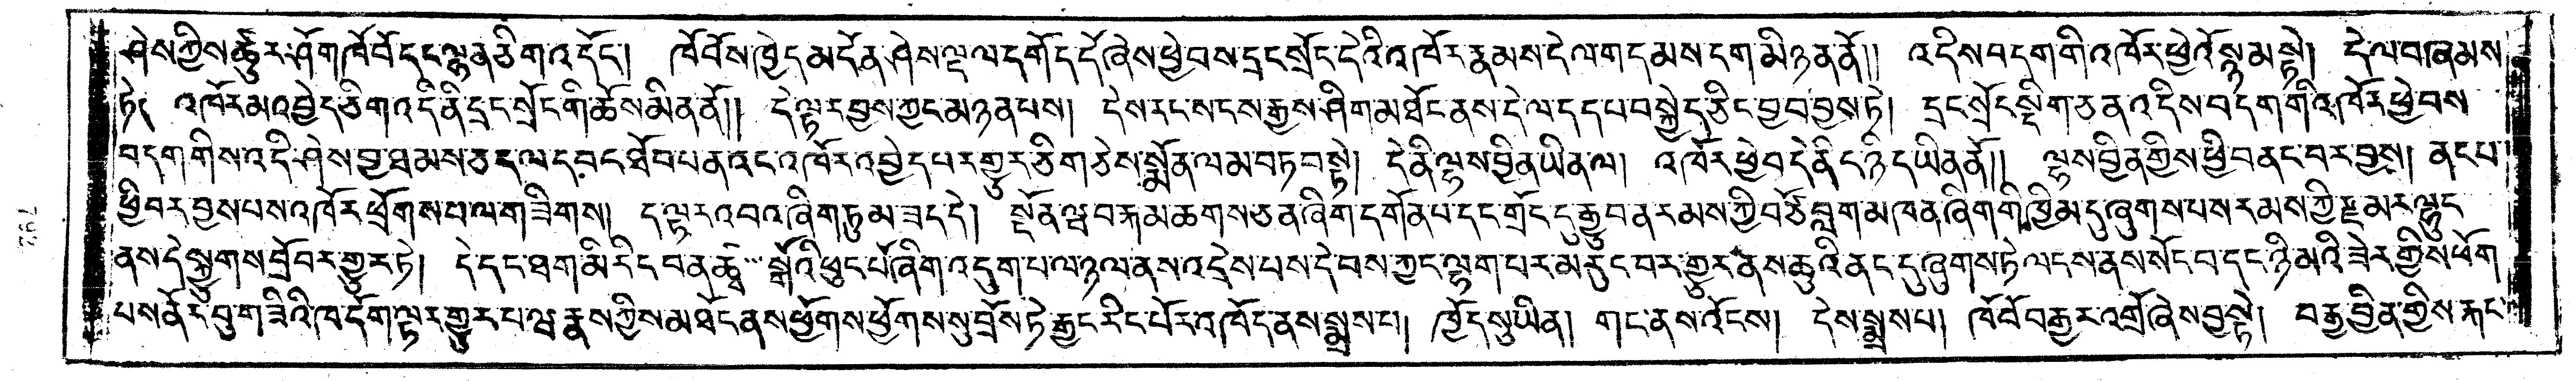ཤེས་ཀྱིས་ཚུར་ཤོག་ཁོ་བོ་དང་ལྷན་ཅིག་འདོང་། ཁོ་བོས་ཁྱེད་མངོན་ཤེས་ལྔ་ལ་དགོད་དོ་ཞེས་ཕྱེ་བས་དྲང་སྲོང་དེའི་འཁོར་རྣམས་དེ་ལ་གདམས་ངག་མི་ཉན་ནོ།། འདིས་བདག་གི་འཁོར་ཕྱེའོ་སྙམ་སྟེ། དེ་ལ་བཞམས་
ཏེ༑ འཁོར་མ་འབྱེད་ཅིག་འདི་ནི་དྲང་སྲོང་གི་ཆོས་མིན་ནོ།། དེ་ལྟར་བྱས་ཀྱང་མཉན་པས། དེས་རང་སངས་རྒྱས་ཤིག་མཐོང་ནས་དེ་ལ་དད་པ་བསྐྱེད་ཅིང་བྱ་བ་བྱས་ཏེ། དྲང་སྲོང་སྡིག་ཅན་འདིས་བདག་གི་འཁོར་ཕྱེ་བས་
བདག་གིས་འདི་ཤེས་བྱ་ཐམས་ཅད་ལ་དབང་ཐོབ་པ་ན་འང་འཁོར་འབྱེད་པར་གྱུར་ཅིག་ཅེས་སྨོན་ལམ་བཏབ་སྟེ། དེ་ནི་ལྷས་བྱིན་ཡིན་ལ། འཁོར་ཕྱེ་བ་དེ་ནི་ང་ཉིད་ཡིན་ནོ།། ལྷས་བྱིན་གྱིས་ཕྱི་བ་ནང་བར་བྱས། ནང་པ་
ཕྱི་བར་བྱས་པས་འཁོར་ཕྲོགས་པ་ལ་གཟིགས། ད་ལྟར་འབའ་ཞིག་ཏུ་མ་ཟད་དེ། སྔོན་ཝ་བརྐམ་ཆགས་ཅན་ཞིག་དགོན་པ་དང་གྲོང་དུ་རྒྱུབ་ན་རྣམས་ཀྱི་བཙོ་བླག་མཁན་ཞིག་གི་ཁྱིམ་དུ་ཞུགས་པས་རམས་ཀྱི་རྫ་མར་ལྷུང་
ནས་དེ་སྐྱུགས་བྲོ་བར་གྱུར་ཏེ། དེ་དང་ཐག་མི་རིང་བན་ཚྭ་སྒོའི་ཕུང་པོ་ཞིག་འདུག་པ་ལ་ཉལ་ནས་འདྲེས་པས་དེ་བས་ཀྱང་ལྷག་པར་མ་རུང་བར་གྱུར་ནས་ཆུའི་ནང་དུ་ཞུགས་ཏེ་ལངས་ནས་སོང་བ་དང་ཉི་མའི་ཟེར་གྱིས་ཕོག་
པས་ནོར་བུ་གཟིའི་ཁ་དོག་ལྟར་གྱུར་པ་ཝ་རྣམས་ཀྱིས་མཐོང་ནས་ཕྱོགས་ཕྱོགས་སུ་བྲོས་ཏེ་རྒྱང་རིང་པོར་འཁོད་ནས་སྨྲས་པ། ཁྱོད་སུ་ཡིན། གང་ནས་འོངས། དེས་སྨྲས་པ། ཁོ་བོ་བརྒྱར་འགྲོ་ཞེས་བྱ་སྟེ། བརྒྱ་བྱིན་གྱིས་རྐང་